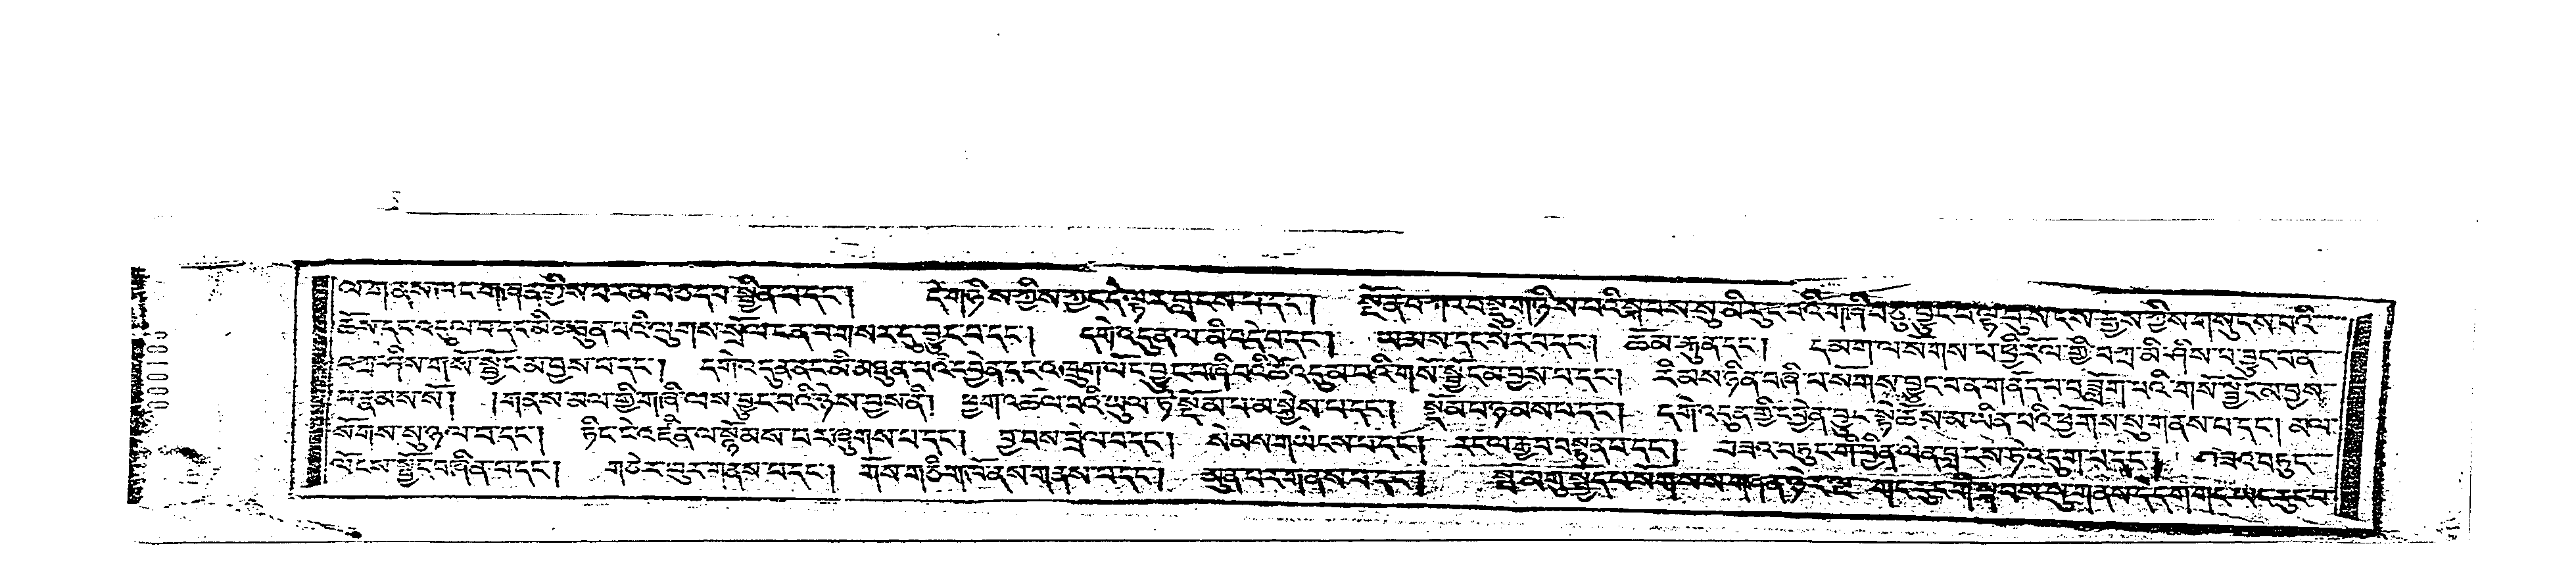ལ་གནས་ཁང་གཞན་གྱིས་བར་མ་བཅད་པ་སྦྱིན་པ་དང་། དེ་གཉིས་ཀྱིས་ཀྱང་དེ་ལྟར་བླངས་པ་དང་། སྔོན་བཀའ་བསྡུ་གཉིས་པའི་སྐབས་སུ་མི་རུང་བའི་གཞི་བཅུ་བྱུང་བ་ལྟ་བུ་སངས་རྒྱས་ཀྱིས་གསུངས་པའི་
ཆོས་དང་འདུལ་བ་དང་མི་མཐུན་པའི་ལུགས་སྲོལ་ངན་པ་གསར་དུ་བྱུང་བ་དང་། དགེ་འདུན་ལ་མི་བདེ་བ་དང་། ཡམས་དང་སེར་བ་དང་། ཆོམ་རྐུན་དང་། དམག་ལ་སོགས་པ་ཕྱི་རོལ་གྱི་བཀྲ་མི་ཤིས་པ་བྱུང་བ་ན་
བཀྲ་ཤིས་གསོ་སྦྱོང་མ་བྱས་པ་དང་། དགེ་འདུན་ནང་མི་མཐུན་པའི་དབྱེན་དང་འཁྲུག་ལོང་བྱུང་བ་ཞི་བའི་ཚེ་འདུམ་པའི་གསོ་སྦྱོང་མ་བྱས་པ་དང་། རིམས་ཉིན་བཞི་པ་སོགས་བྱུང་བ་ན་གནོད་པ་བཟློག་པའི་གསོ་སྦྱོང་མ་བྱས་
པ་རྣམས་སོ། །གནས་མལ་གྱི་གཞི་ལས་བྱུང་བའི་ཉེས་བྱས་ནི། ཕྱག་འཚལ་བའི་ཡུལ་ཏེ་སྡོམ་པ་མ་སྐྱེས་པ་དང་། སྡོམ་པ་ཉམས་པ་དང་། དགེ་འདུན་གྱི་དབྱེན་བྱུང་སྟེ་ཆོས་མ་ཡིན་པའི་ཕྱོགས་སུ་གནས་པ་དང་། མལ་
སོགས་སུ་ཉལ་བ་དང་། ཏིང་ངེ་འཛིན་ལ་སྙོམས་པར་ཞུགས་པ་དང་། བྱ་བས་བྲེལ་བ་དང་། སེམས་གཡེངས་པ་དང་། རང་ལ་རྒྱབ་བསྟན་པ་དང་། བཟའ་བཏུང་གི་བྱིན་ལེན་བླངས་ཏེ་འདུག་པ་དང་། བཟའ་བཏུང་
ལོངས་སྤྱོད་བཞིན་པ་དང་། གཅེར་བུར་གནས་པ་དང་། གོས་གཅིག་ཁོ་ནས་གནས་པ་དང་། མུན་པར་གནས་པ་དང་། སྤོ་མགུ་སྤྱོད་པ་སོགས་ས་གཞན་ཉེར་ལྔ་གང་རུང་གི་སྐབས་སུ་གནས་དེ་དག་གང་ཡང་རུང་བ་